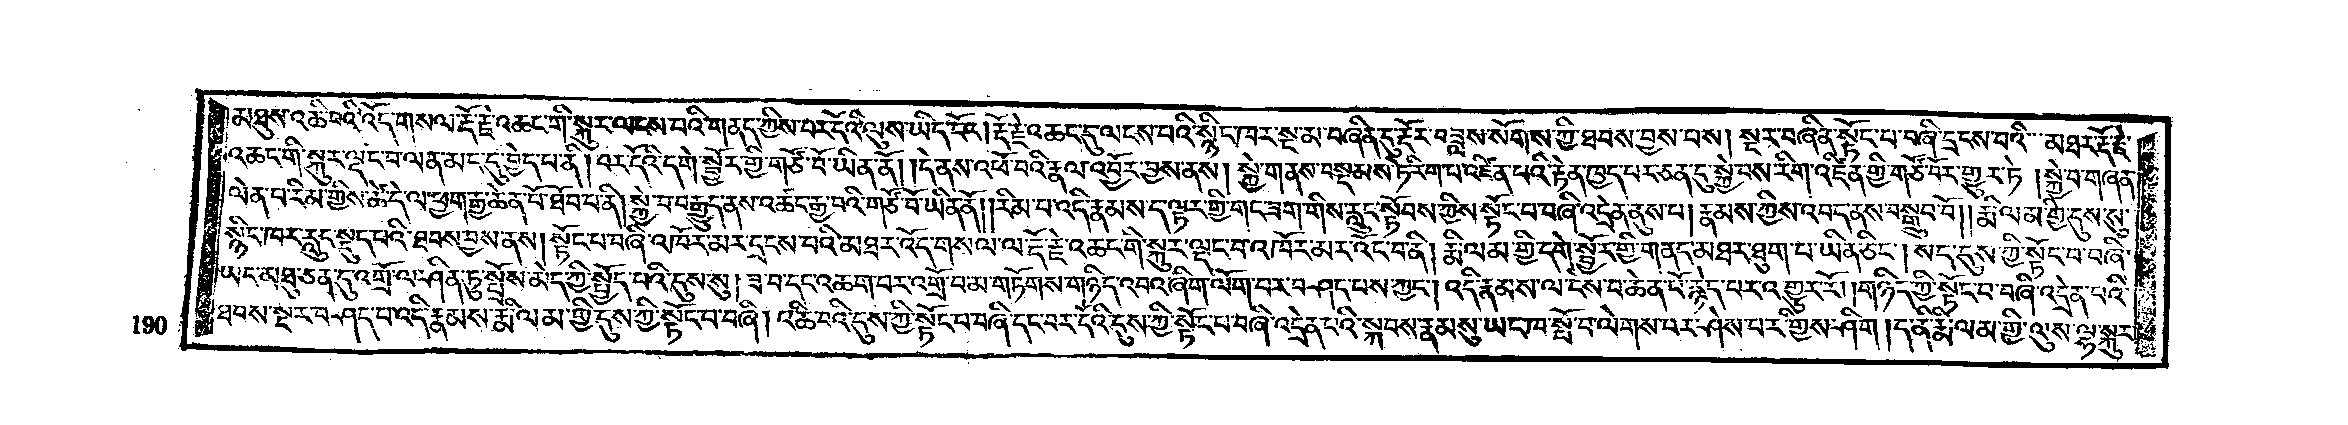མཐུས་འཆི་བའི་འོད་གསལ་རྡོ་རྗེ་འཆང་གི་སྐུར་ལངས་པའི་གནད་ཀྱིས་བར་དོའི་ལུས་ཡིད་ངོར། རྡོ་རྗེ་འཆང་དུ་ལངས་པའི་སྙིང་ཁར་སྔ་མ་བཞིན་དུ་རྡོར་བཟླས་སོགས་ཀྱི་ཐབས་བྱས་པས། སྔར་བཞིན་སྟོང་པ་བཞི་དྲངས་པའི་མཐར་རྡོ་རྗེ་
འཆང་གི་སྐུར་ལྡང་བ་ལན་མང་དུ་བྱེད་པ་ནི། བར་དོའི་དགེ་སྦྱོར་གྱི་གཙོ་བོ་ཡིན་ནོ། །དེ་ནས་འཕོ་བའི་རྣལ་འབྱོར་བྱས་ནས། སྐྱེ་གནས་བསྡམས་ཏེ་རིག་པ་འཛིན་པའི་རྟེན་ཁྱད་པར་ཅན་དུ་སྐྱེ་བས་རིག་འཛིན་གྱི་གཙོ་བོར་གྱུར་ཏེ། སྐྱེ་བ་གཞན་
ལེན་པ་རིམ་གྱིས་ཚེ་དེ་ལ་ཕྱག་རྒྱ་ཆེན་པོ་ཐོབ་པ་ནི། སྐྱེ་བ་བརྒྱུད་ནས་འཚང་རྒྱ་བའི་གཙོ་བོ་ཡིན་ནོ། །རིམ་པ་འདི་རྣམས་ད་ལྟར་གྱི་གང་ཟག་གིས་རླུང་སྟོབས་ཀྱིས་སྟོང་པ་བཞི་འདྲེན་ནུས་པ། རྣམས་ཀྱིས་འབད་ནས་བསྒྲུབ་བོ། །རྨི་ལམ་གྱི་དུས་སུ་
སྙིང་ཁར་རླུང་སྡུད་པའི་ཐབས་བྱས་ནས། སྟོང་པ་བཞི་འཁོར་མར་དྲངས་པའི་མཐར་འོད་གསལ་ལ་རྡོ་རྗེ་འཆང་གི་སྐུར་ལྡང་བ་འཁོར་མར་འོང་བ་ནི། རྨི་ལམ་གྱི་དགེ་སྦྱོར་གྱི་གནད་མཐར་ཐུག་པ་ཡིན་ཅིང་། སད་དུས་ཀྱི་སྟོང་བ་བཞི་
ཡང་མཐུ་ཅན་དུ་འགྲོ་ལ་ཤིན་ཏུ་སྤྲོས་མེད་ཀྱི་སྤྱོད་པའི་དུས་སུ། ཟ་བ་དང་འཆག་པར་འགྲོ་བ་མ་གཏོགས་གཉིད་འབའ་ཞིག་ལོག་པར་བཤད་པས་ཀྱང་། འདི་རྣམས་ལ་ངེས་པ་ཆེན་པོ་རྙེད་པར་འགྱུར་རོ། །གཉིད་ཀྱི་སྟོང་པ་བཞི་འདྲེན་པའི་
ཐབས་སྔར་བཤད་པ་འདི་རྣམས་རྨི་ལམ་གྱི་དུས་ཀྱི་སྟོང་པ་བཞི། འཆི་བའི་དུས་ཀྱི་སྟོང་པ་བཞི་དང་བར་དོའི་དུས་ཀྱི་སྟོང་པ་བཞི་འདྲེན་པའི་སྐབས་རྣམས་སུ་ཡང་ཁ་སྤོ་བ་ལེགས་པར་ཤེས་པར་གྱིས་ཤིག །ད་ནི་རྨི་ལམ་གྱི་ལུས་ལྷ་སྐུར་